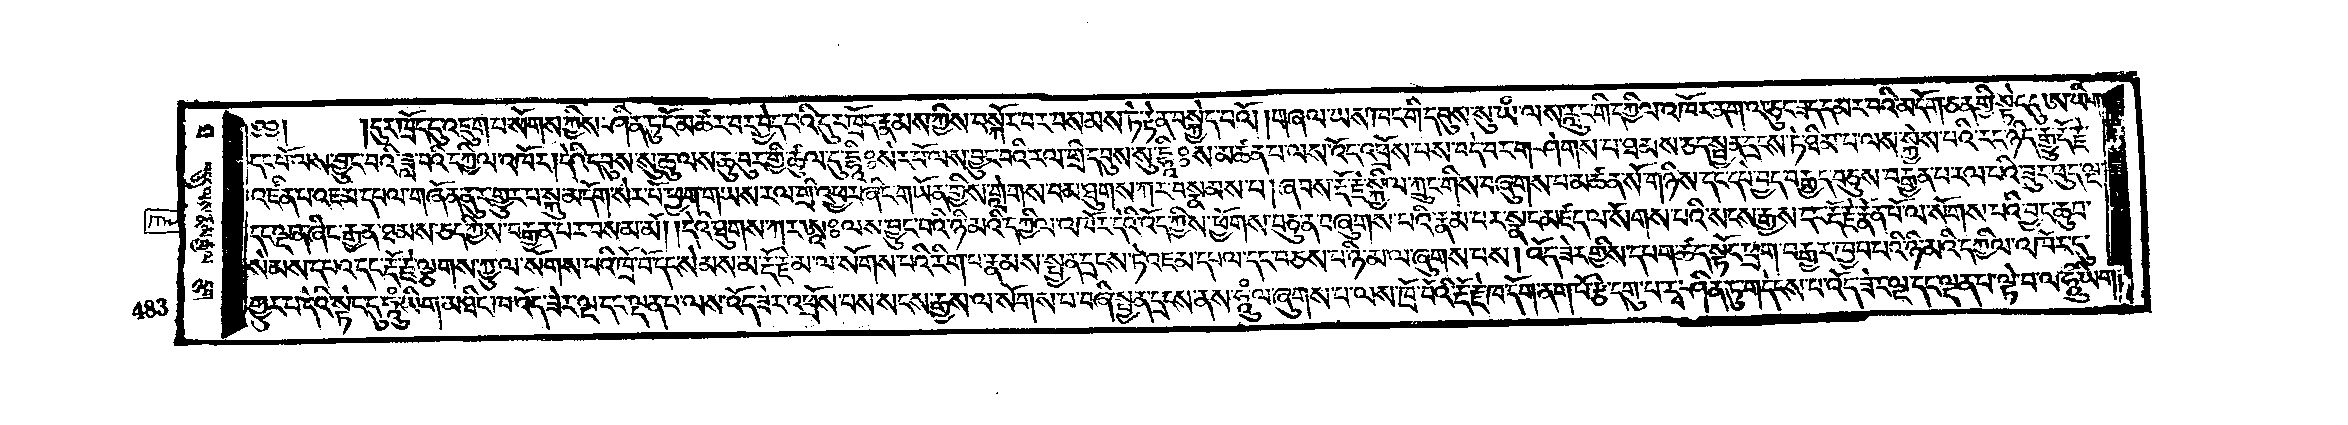༄༅། །དུར་ཁྲོད་དུ་འཇུག་པ་སོགས་ཀྱིས་ཤིན་ཏུ་ངོ་མཚར་བར་བྱེད་པའི་དུར་ཁྲོད་རྣམས་ཀྱིས་བསྐོར་བར་བསམས་ཏེ་རྟེན་བསྐྱེད་པའོ། །གཞལ་ཡས་ཁང་གི་དབུས་སུ་ཡཾ་ལས་རླུང་གི་དཀྱིལ་འཁོར་ནག་ལ་ཅུང་ཟད་དམར་བའི་མདོག་ཅན་གྱི་སྟེང་དུ་ཨ་ཡིག་
དང་པོ་ལས་བྱུང་བའི་ཟླ་བའི་དཀྱིལ་འཁོར། དེའི་དབུས་སུ་ཆུ་ལས་ཆུ་བུར་གྱི་ཚུལ་དུ་དྷཱིཿ སེར་པོ་ལས་བྱུང་བའི་རལ་གྲི་དབུས་སུ་དྷཱིཿ ས་མཚན་པ་ལས་འོད་འཕྲོས་པས་བདེ་བར་གཤེགས་པ་ཐམས་ཅད་སྤྱན་དྲངས་ཏེ་ཐིམ་པ་ལས་སྐྱེས་པའི་རང་ཉིད་རྒྱུ་རྡོ་རྗེ་
འཛིན་པ་འཇམ་དཔལ་གཞོན་ནུར་གྱུར་པ་སྐུ་མདོག་སེར་པོ་ཕྱག་གཡས་རལ་གྲི་འཕྱར་ཞིང་གཡོན་གྱིས་གླེགས་བམ་ཐུགས་ཀར་བསྣམས་པ། ཞབས་རྡོ་རྗེ་སྐྱིལ་ཀྲུང་གིས་བཞུགས་པ་མཚན་སོ་གཉིས་དང་དཔེ་བྱད་བརྒྱད་བཅུས་བརྒྱན་པ་རལ་པའི་ཟུར་ཕུད་ལྔ་
དང་ལྡན་ཞིང་རྒྱན་ཐམས་ཅད་ཀྱིས་བརྒྱན་པར་བསམ་མོ། །དེའི་ཐུགས་ཀར་ཨཱཿ ལས་བྱུང་བའི་ཉི་མའི་དཀྱིལ་འཁོར་དེའི་འོད་ཀྱིས་ཕྱོགས་བཅུ་ན་བཞུགས་པའི་རྣམ་པར་སྣང་མཛད་ལ་སོགས་པའི་སངས་རྒྱས་དང་རྡོ་རྗེ་རྣོན་པོ་ལ་སོགས་པའི་བྱང་ཆུབ་
སེམས་དཔའ་དང་རྡོ་རྗེ་ལྕགས་ཀྱུ་ལ་སོགས་པའི་ཁྲོ་བོ་དང་སེམས་མ་རྡོ་རྗེ་མ་ལ་སོགས་པའི་རིག་པ་རྣམས་སྤྱན་དྲངས་ཏེ་འཇམ་དཔལ་དང་བཅས་པ་ཉི་མ་ལ་ཞུགས་པས། འོད་ཟེར་གྱིས་དཔག་ཚད་སྟོང་ཕྲག་བརྒྱར་ཁྱབ་པའི་ཉི་མའི་དཀྱིལ་འཁོར་དུ་
གྱུར་པ་དེའི་སྟེང་དུ་ཧཱུཾ་ཡིག་མཐིང་ཁ་འོད་ཟེར་ལྔ་དང་ལྡན་པ་ལས་འོད་ཟེར་འཕྲོས་པས་སངས་རྒྱས་ལ་སོགས་པ་བཞི་སྤྱན་དྲངས་ནས་ཧཱུཾ་ལ་ཞུགས་པ་ལས་ཁྲོ་བོའི་རྡོ་རྗེ་ཁ་དོག་ནག་པོ་རྩེ་དགུ་པ་རྭ་ཤིན་ཏུ་གདེངས་པ་འོད་ཟེར་ལྔ་དང་ལྡན་པ་ལྟེ་བ་ལ་ཧཱུཾ་ཡིག་